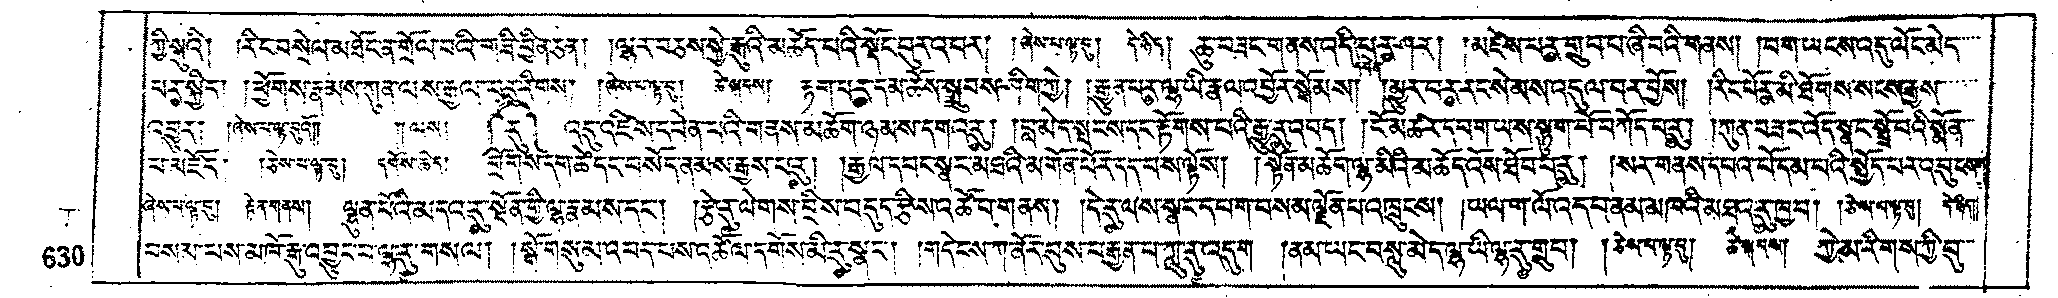ཀྱི་སྐུའི། །རིང་བསྲེལ་མཐོང་ན་གྲོལ་བའི་གཟི་བྱིན་ཅན། །ལྷར་བཅས་སྐྱེ་རྒུའི་མཆོད་པའི་སྡོང་བུར་འབར། །ཞེས་པ་ལྟ་བུ། དེ་ཉིད།  ཆུ་བཟང་གནས་འདི་དབེན་པར་ཤར། །མཛེས་པར་གྲུབ་པ་ཞི་བའི་གནས། །བག་ཡངས་འདུ་ལོང་མེད་་་
པར་སྐྱིད། །ཕྱོགས་རྣམས་ཀུན་ལས་རྒྱལ་བར་རིགས། །ཞེས་པ་ལྟ་བུ། ཚེ་སྐབས།  རྟག་པར་དམ་ཆོས་སྒྲུབས་ཤིག་ཀྱེ། །རྒྱུན་པར་ལྷ་ཡི་རྣལ་འབྱོར་སྒོམས། །མྱུར་བར་རང་སེམས་འདུལ་བར་བྱོས། །རིང་པོར་མི་ཐོགས་སངས་རྒྱས་་་
འགྱུར། །ཞེས་པ་ལྟ་བུའོ།། །།ལས་༼ར༽ འདུ་འཛིས་དབེན་པའི་གནས་མཆོག་ཉམས་དགའ་རུ། །བླ་མེད་སྤངས་དང་རྟོགས་པའི་རྒྱུ་རུ་འབད། །ངོ་མཚར་དཔག་ཡས་སྟུག་པོ་བཀོད་པ་རུ། །ཀུན་བཟང་འོད་སྣང་སྤྲོ་བའི་སྨོན་་་
པ་མཛོད། །ཅེས་པ་ལྟ་བུ།  དགོས་ཆེད། གྲོགས་དག་ཚེ་དང་བསོད་ནམས་རྒྱས་པ་རུ། །རྒྱལ་དབང་སྣང་མཐའི་མགོན་པོར་དད་པས་ལྟོས། །སྟོན་མཆོག་ལྷ་མིའི་མཆོད་འོས་ཐོབ་པ་རུ། །སར་གནས་དཔའ་པོ་དམ་པའི་སྤྱོད་པར་འབུངས།
ཞེས་པ་ལྟ་བུ། རྟེན་གནས།  ལྷུན་པོའི་མདའ་རུ་སྔོན་གྱི་ལྷ་རྣམས་དང་། །རྩེ་རུ་ལེགས་བྲིས་བདུད་རྩིས་འཚོ་བ་གནས། །དེ་རུ་ལས་སྣང་དཔག་བསམ་ལྗོན་པ་འཁྲུངས། །ཡལ་ག་ལོ་འདབ་ནམ་མཁའི་མཐའ་རུ་ཁྱབ། །ཅེས་པ་ལྟ་བུ། དེ་ཉིད།
བསམ་པས་མཁོ་རྒུ་འབྱུང་བ་ལྷ་རུ་གསལ། །སྒོ་གསུམ་འབད་པས་འཚོལ་དགོས་མི་རུ་སྣང་། །གདེངས་ཀ་ནོར་བུས་བརྒྱན་པ་ཀླུ་རུ་འདུག །ནམ་ཡང་བསླུ་མེད་ལྷ་ཡི་ལྷ་རུ་གྲུབ། །ཅེས་པ་ལྟ་བུ། ཚེ་སྐབས།  ཀྱེ་མ་རིགས་ཀྱི་བུ་་་